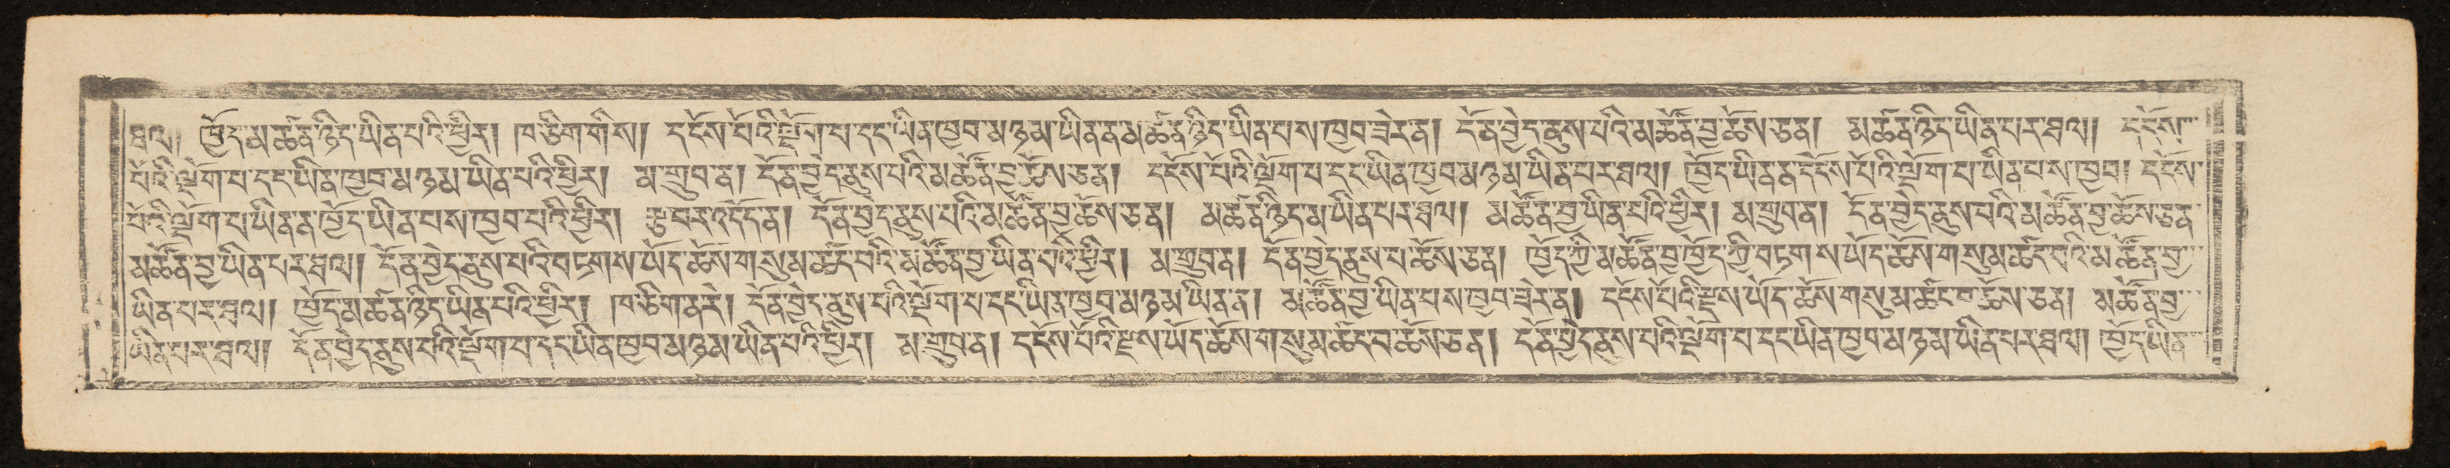ཐལ། ཁྱོད་མཚན་ཉིད་ཡིན་པའི་ཕྱིར། ཁ་ཅིག་གིས། དངོས་པོའི་ལྡོག་པ་དང་ཡིན་ཁྱབ་མཉམ་ཡིན་ན་མཚན་ཉིད་ཡིན་པས་ཁྱབ་ཟེར་ན། དོན་བྱེད་ནུས་པའི་མཚོན་བྱ་ཆོས་ཅན། མཚན་ཉིད་ཡིན་པར་ཐལ། དངོས་
པོའི་ལྡོག་པ་དང་ཡིན་ཁྱབ་མཉམ་ཡིན་པའི་ཕྱིར། མ་གྲུབ་ན། དོན་བྱེད་ནུས་པའི་མཚོན་བྱ་ཆོས་ཅན། དངོས་པོའི་ལྡོག་པ་དང་ཡིན་ཁྱབ་མཉམ་ཡིན་པར་ཐལ། ཁྱོད་ཡིན་ན་དངོས་པོའི་ལྡོག་པ་ཡིན་པས་ཁྱབ། དངོས་
པོའི་ལྡོག་པ་ཡིན་ན་ཁྱོད་ཡིན་པས་ཁྱབ་པའི་ཕྱིར། རྩ་བར་འདོད་ན། དོན་བྱེད་ནུས་པའི་མཚོན་བྱ་ཆོས་ཅན། མཚན་ཉིད་མ་ཡིན་པར་ཐལ། མཚོན་བྱ་ཡིན་པའི་ཕྱིར། མ་གྲུབ་ན། དོན་བྱེད་ནུས་པའི་མཚོན་བྱ་ཆོས་ཅན།
མཚོན་བྱ་ཡིན་པར་ཐལ། དོན་བྱེད་ནུས་པའི་བཏགས་ཡོད་ཆོས་གསུམ་ཚང་བའི་མཚོན་བྱ་ཡིན་པའི་ཕྱིར། མ་གྲུབ་ན། དོན་བྱེད་ནུས་པ་ཆོས་ཅན། ཁྱོད་ཀྱི་མཚོན་བྱ་ཁྱོད་ཀྱི་བཏགས་ཡོད་ཆོས་གསུམ་ཚང་བའི་མཚོན་བྱ་
ཡིན་པར་ཐལ། ཁྱོད་མཚན་ཉིད་ཡིན་པའི་ཕྱིར། ཁ་ཅིག་ན་རེ། དོན་བྱེད་ནུས་པའི་ལྡོག་པ་དང་ཡིན་ཁྱབ་མཉམ་ཡིན་ན། མཚོན་བྱ་ཡིན་པས་ཁྱབ་ཟེར་ན། དངོས་པོའི་རྫས་ཡོད་ཆོས་གསུམ་ཚང་བ་ཆོས་ཅན། མཚོན་བྱ་
ཡིན་པར་ཐལ། དོན་བྱེད་ནུས་པའི་ལྡོག་པ་དང་ཡིན་ཁྱབ་མཉམ་ཡིན་པའི་ཕྱིར། མ་གྲུབ་ན། དངོས་པོའི་རྫས་ཡོད་ཆོས་གསུམ་ཚང་བ་ཆོས་ཅན། དོན་བྱེད་ནུས་པའི་ལྡོག་པ་དང་ཡིན་ཁྱབ་མཉམ་ཡིན་པར་ཐལ། ཁྱོད་ཡིན་